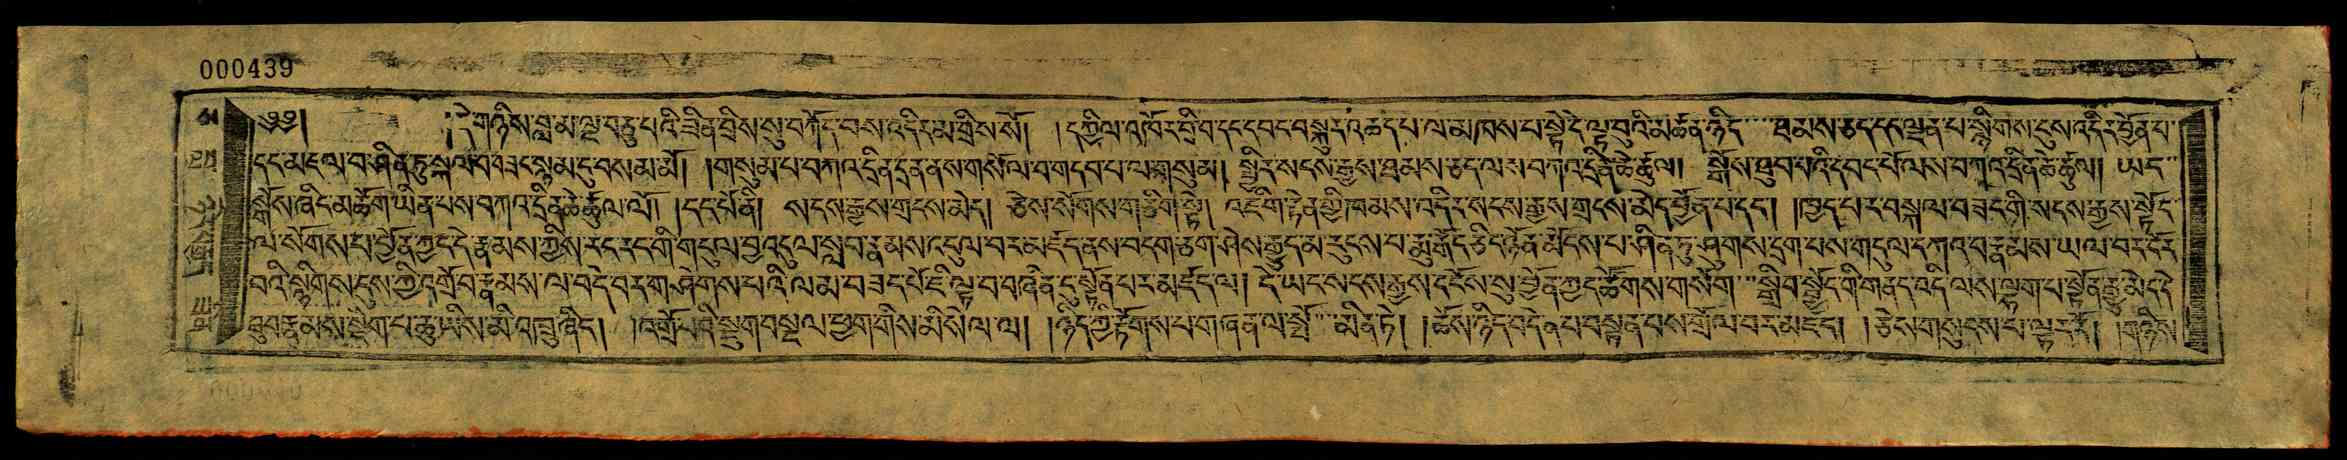༄༅། །དེ་གཉིས་བླ་མ་ལྔ་བཅུ་པའི་ཟིན་བྲིས་སུ་བཀོད་པས་འདིར་མ་བྲིས་སོ། །དཀྱིལ་འཁོར་བྲི་བ་དང་དབང་བསྐུར་འཆད་པ་ལ་མཁས་པ་སྟེ་དེ་ལྟ་བུའ་མཚན་ཉིད་ཐམས་ཅད་དང་ལྡན་པ་སྙིགས་དུས་འདིར་བྱོན་པ་
དང་མཇལ་བ་ཤིན་ཏུ་སྐལ་བ་བཟང་སྙམ་དུ་བསམ་མོ། །གསུམ་པ་བཀའ་དྲིན་དྲན་ནས་གསོལ་བ་གདབ་པ་ལ་གསུམ། སྤྱིར་སངས་རྒྱས་ཐམས་ཅད་ལས་བཀའ་དྲིན་ཆེ་ཚུལ། སྒོས་ཐུབ་པའི་དབང་པོ་ལས་བཀའ་དྲིན་ཆེ་ཚུལ། ཡང་
སྒོས་ཞིང་མཆོག་ཡིན་པས་བཀའ་དྲིན་ཆེ་ཚུལ་ལོ། །དང་པོ་ནི། སངས་རྒྱས་གྲངས་མེད། ཅེས་སོགས་གཅིག་སྟེ། འཇིག་རྟེན་གྱི་ཁམས་འདིར་སངས་རྒྱས་གྲངས་མེད་བྱོན་པ་དང་། ཁྱད་པར་བསྐལ་བཟང་གི་སངས་རྒྱས་སྟོང་
ལ་སོགས་པ་བྱོན་ཀྱང་དེ་རྣམས་ཀྱིས་རང་རང་གི་གདུལ་བྱ་འདུལ་སླ་བ་རྣམས་འདུལ་བར་མཛད་ནས་བདག་ཅག་ཤེས་རྒྱུད་མ་རུངས་པ་རྨུ་རྒོད་ཅིང་ཉོན་མོངས་པ་ཤིན་ཏུ་ཤུགས་དྲག་པས་གདུལ་དཀའ་བ་རྣམས་ཡལ་བར་དོར་
བའི་སྙིགས་དུས་ཀྱི་འགྲོ་བ་རྣམས་ལ་བདེ་བར་གཤེགས་པའི་ལམ་བཟང་པོ་ཇི་ལྟ་བ་བཞིན་དུ་སྟོན་པར་མཛད་ལ། དེ་ཡང་སངས་རྒྱས་དངོས་སུ་བྱོན་ཀྱང་ཚོགས་གསོག་སྒྲིབ་སྦྱོང་གི་གནད་འདི་ལས་ལྷག་པ་སྟོན་རྒྱུ་མེད་དེ།
ཐུབ་རྣམས་སྡིག་པ་ཆུ་ཡིས་མི་འཁྲུ་ཞིང་། །འགྲོ་བའི་སྡུག་བསྔལ་ཕྱག་གིས་མི་སེལ་ལ། །ཉིད་ཀྱི་རྟོགས་པ་གཞན་ལ་སྤོ་མིན་ཏེ། །ཆོས་ཉིད་བདེན་པ་བསྟན་པས་གྲོལ་བར་མཛད། །ཅེས་གསུངས་པ་ལྟར་རོ། །གཉིས་